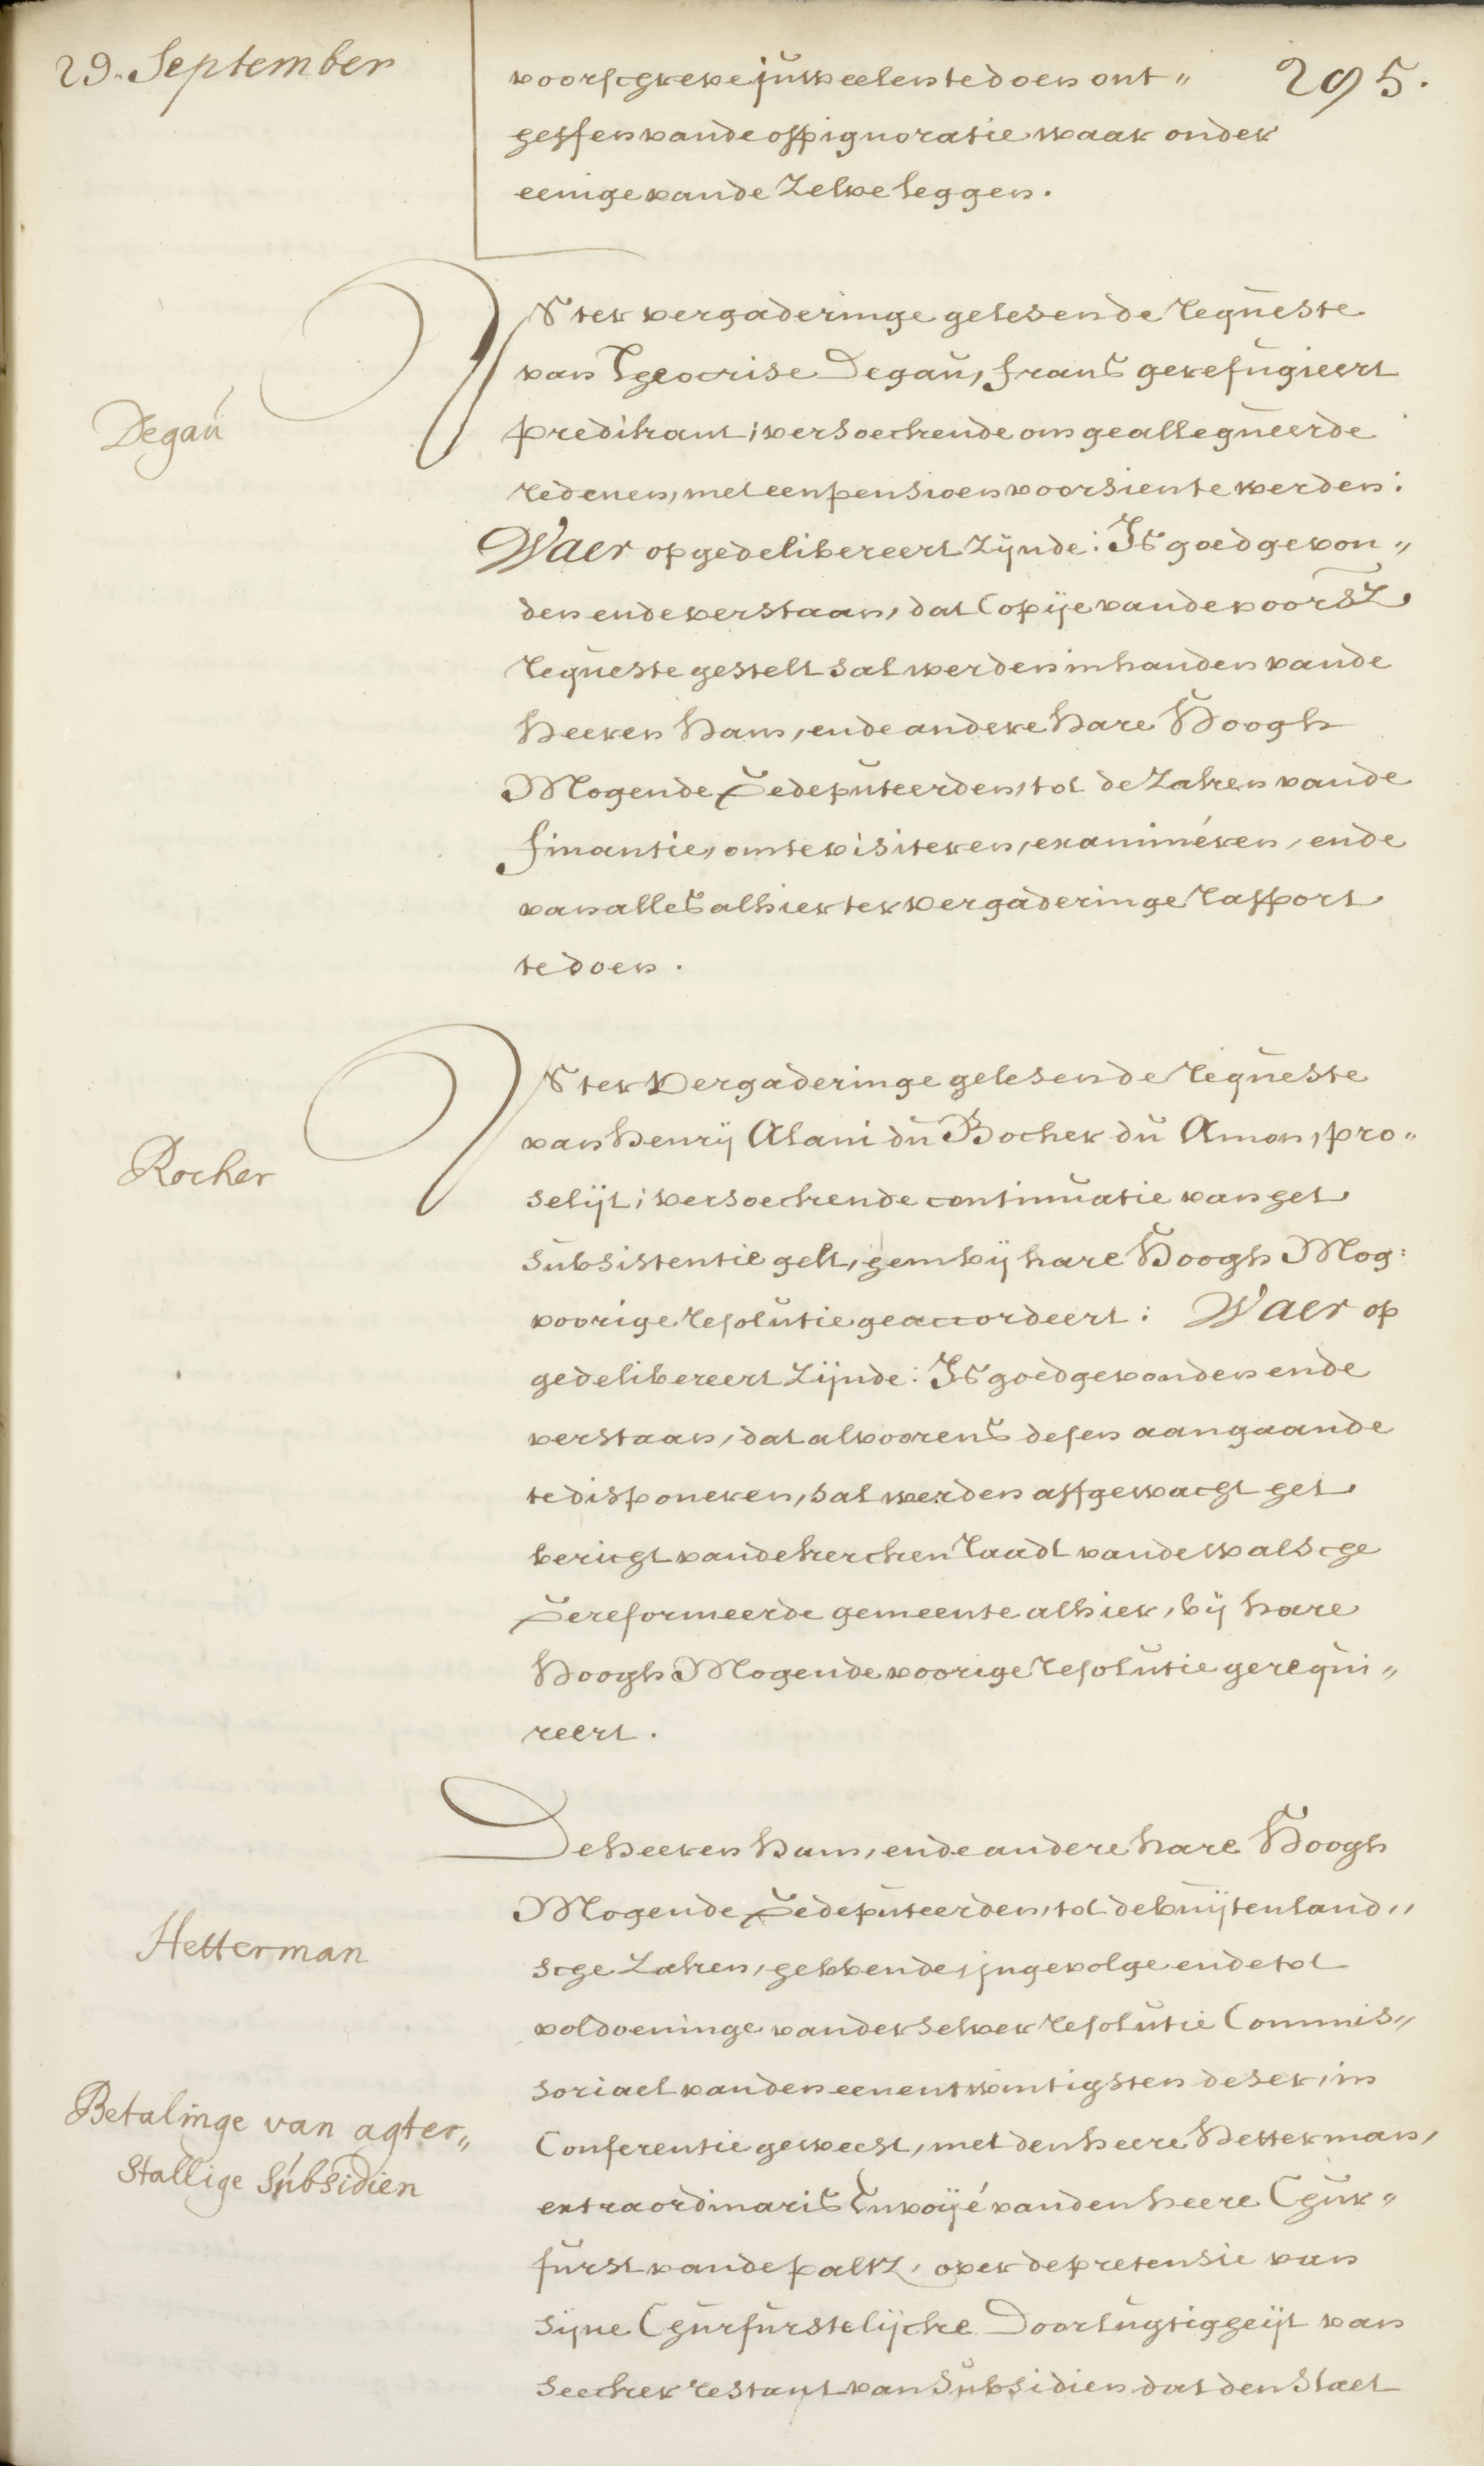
295.
29. September
voorschreve juweelen te doen ont„
heffen vande oppignoratie waar onder
eenige vandezelve leggen.
Degau
Is ter vergaderinge gelesen de requeste
van Theocrise Degau, Frans gerefugieert
predikant, versoeckende om geallegueerde
redenen, met een pensioen voorsien te werden:
Waer op gedelibereert zijnde, Is goedgevon„
den ende verstaan dat copije vande voorsz
requeste gestelt sal werden in handen vande
Heeren Ham, ende andere hare Hoogh
Mogende Gedeputeerden, tot de zaken vande
finantie, om te visiteren, examineren, ende
van alles alhier ter vergaderinge rapport
te doen.
Rocher
Is ter vergaderinge gelesen de requeste
van Henrij Alani du Bocher du Amon pro,,
selijt; versoeckende continuatie van het
subsistentie gelt, hem bij hare Hoogh Mog:
voorige resolutie geaccordeert: Waerop
gedelibereert zijnde: Is goedgevonden ende
verstaan, dat alvoorens desen aangaande
te disponeren, sal werden affgewacht het
bericht vande kercken raadt vande walsche
Gereformeerde gemeente alhier, bij hare
Hoogh Mogende voorige resolutie gerequi„
reert.
Hetterman
Betalinge van agter„
stallige subsidien
De heeren Ham, ende andere hare Hoogh
Mogende Gedeputeerden, tot de buijtenland,
sche zaken, hebbende, ingevolge ende tot
voldoeninge van derselver resolutie Commis„
soriael vanden eenentwintigsten deser, in
conferentie geweest, met den heere Hetterman,
extraordinaris Envoijé vanden heere Chur„
furst vande paltz, over de pretensie van
sjne Churfurstelijcke Doorlugtigheijt van
seecker restant van subsidien dat den Staet
